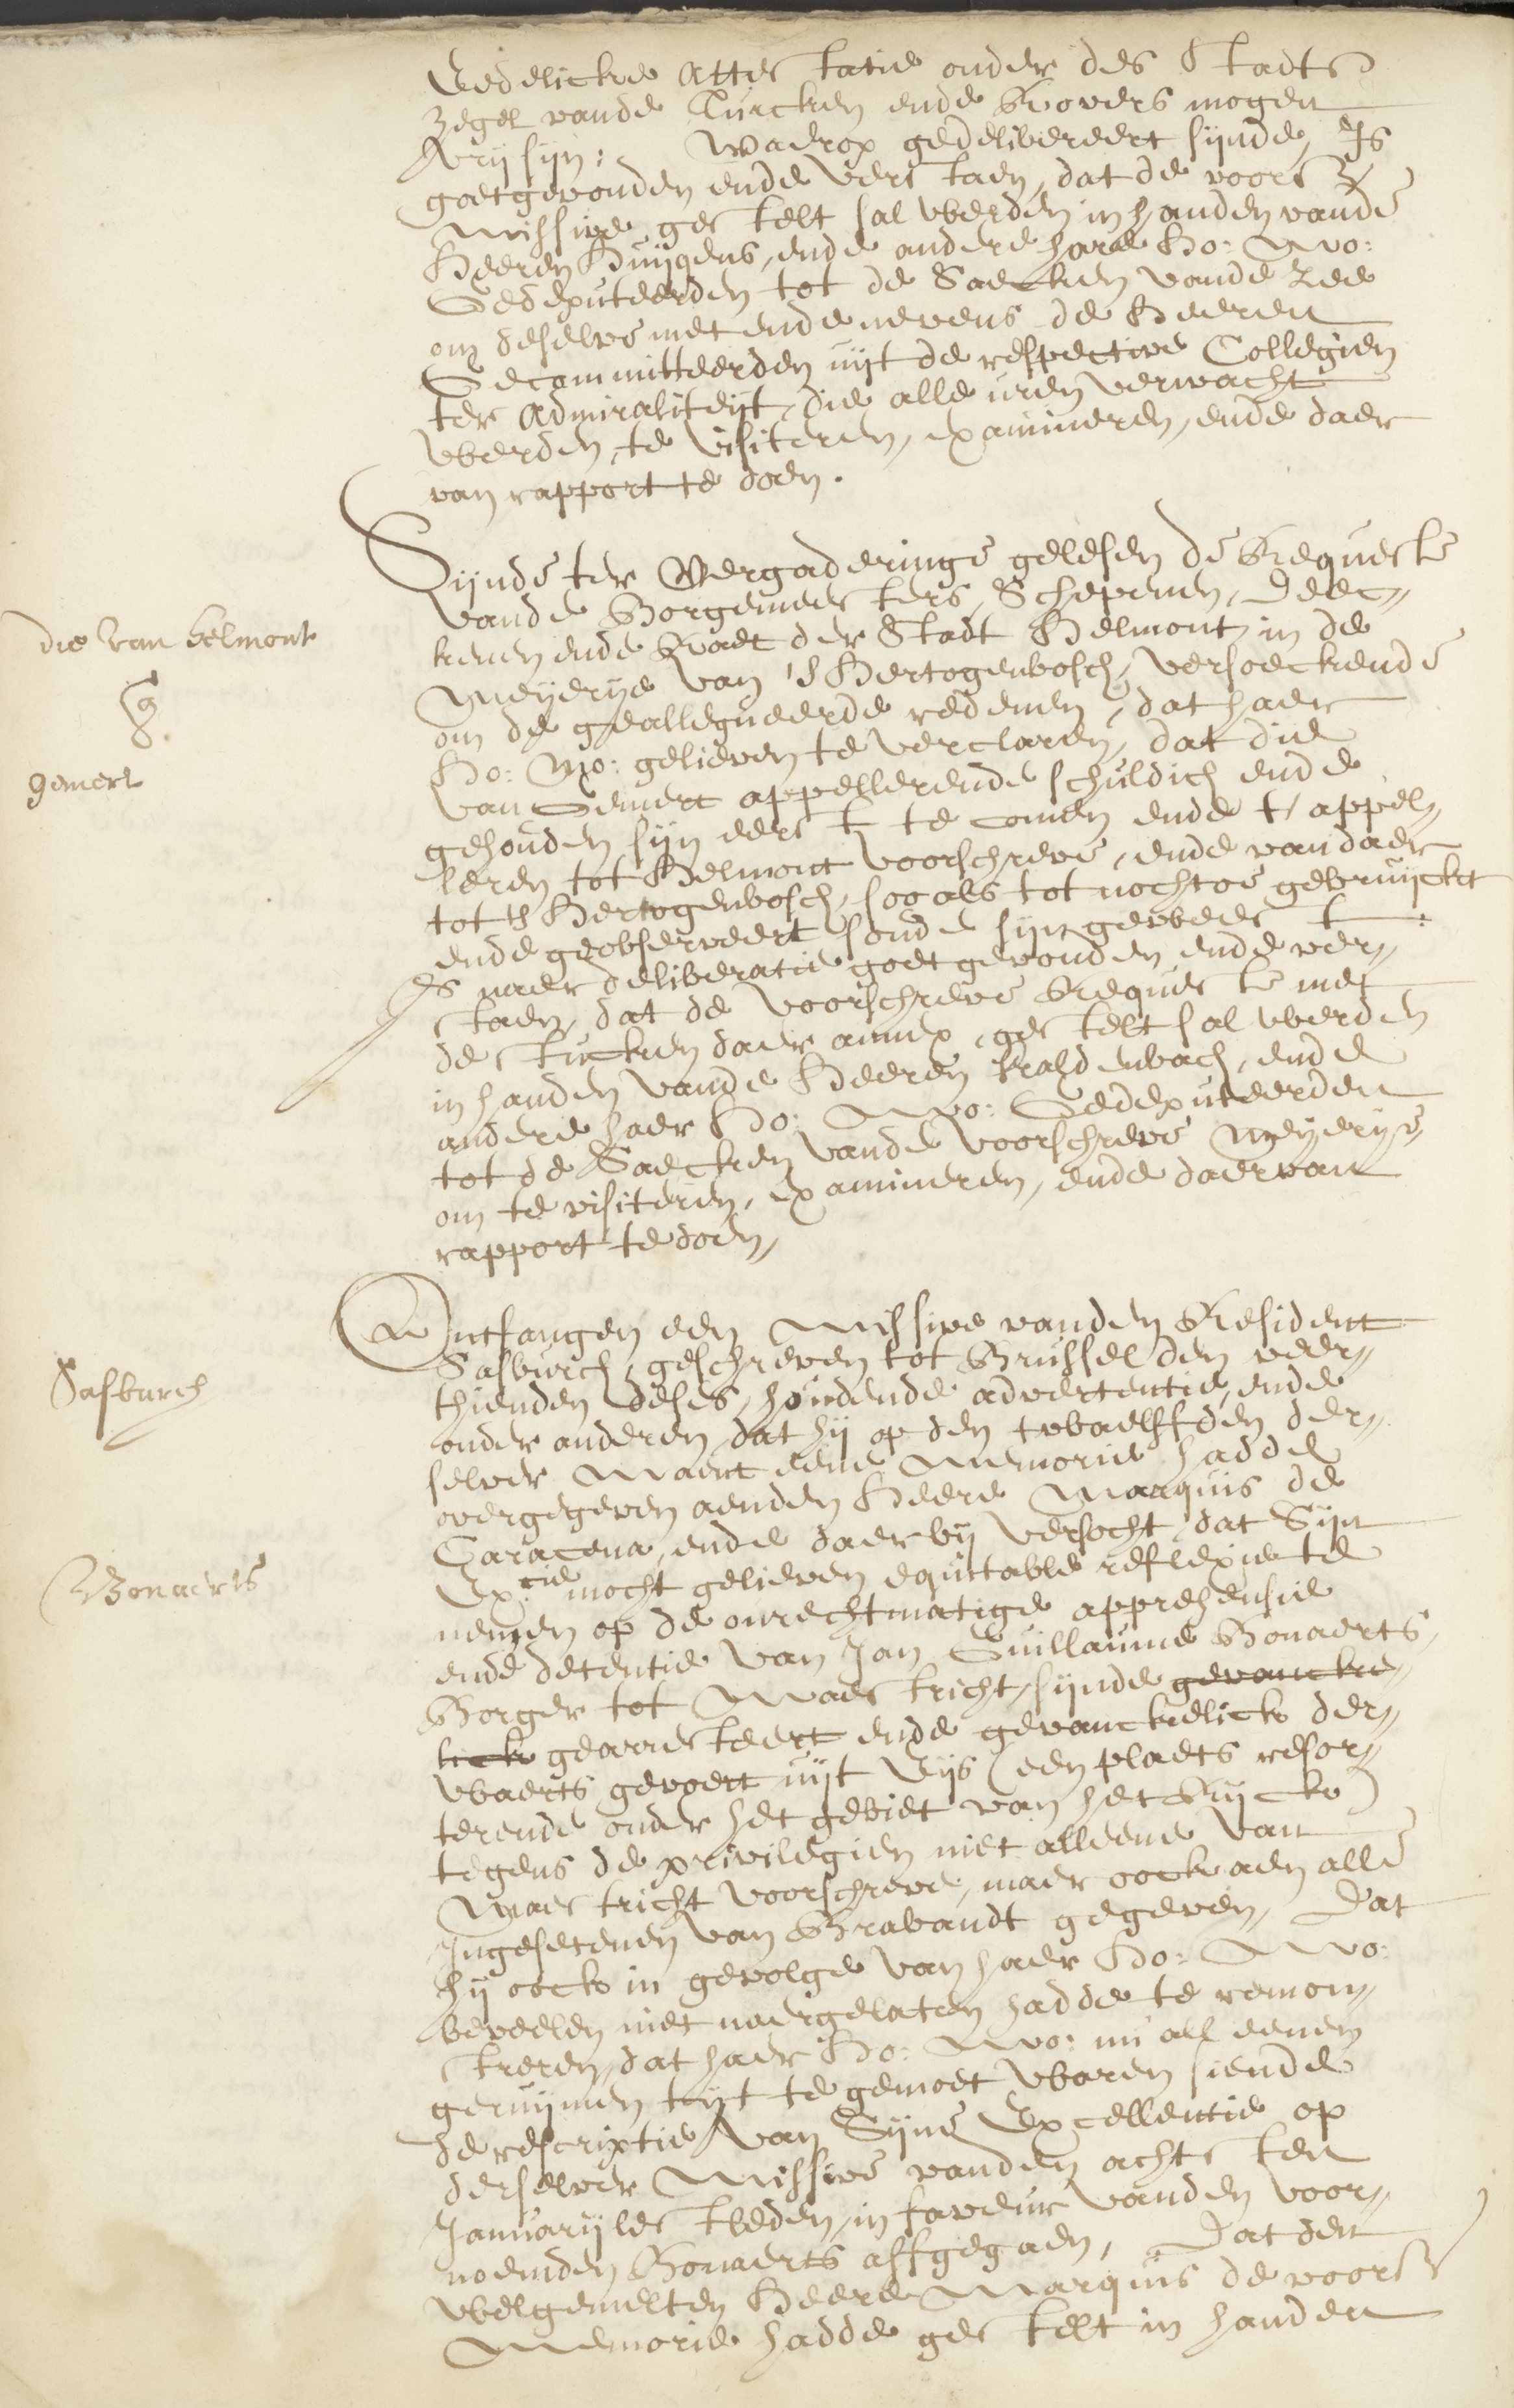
Redelicke Attestatie onder des Stadts
zegel vande Turcken ende Rovers mogen
vrij sijn: Waerop gedelibereert sijnde, Is
goetgevonden ende verstaen, dat de voorsz
Missive gestelt sal werden in handen vande
Heeren Huijgens, ende andere hare Ho:Mo:
Gedeputeerden tot de Saecken van de Zee
om deselve met ende nevens de Heeren
Gecommitteerden uijt de respective Collegien
ter Admiraliteijt, die alle uren verwacht
werden, te visiteren, examineren, ende daer
van rapport te doen.
die van Helmont
ca.
Gemert
Sijnde ter Vergaderinge gelesen de Requeste
vande Borgemeesters, Schepenen, Deec„
kenen ende Raet der Stadt Helmont, in de
Meijerije van ‛s Hertogenbosch, versoeckende
om de geallegueerde redenen, dat haer
Ho:Mo: gelieven te verclaren, dat die
van Gemert appellerende schuldich ende
gehouden sijn eerst te comen ende t‛appel„
leren tot Helmont voorschreve, ende van daer
tot ‛s Hertogenbosch, soo als tot nochtoe gebruijckt
ende geobserveert soude sijn geweest.
Is naer deliberatie goetgevonden ende ver„
staen, dat de voorschreve Requeste met
de stucken daer annex, gestelt sal werden
in handen vande Heeren Kaldenbach, ende
andere haer Ho:Mo: Gedeputeerden
tot de Saecken vande voorschreve Meijerije,
om te visiteren, Examineren, ende daervan
rapport te doen.
Sasburch
Bonaerts
Ontfangen een Missive van den Resident
Sasburch, geschreven tot Brussel den veer„
thienden deses, houdende advertentie, ende
onder anderen dat hij op den twaelffden der„
selver Maent eene Memorie hadde
overgegeven aenden Heere Marquis de
Caracena, ende daerbij versocht dat Sijn
Excie mocht gelieven equitable reflexie te
nemen op de onrechtmatige apprehensie
ende detentie van Jan Guillaume Bonaerts
Borger tot Maestricht, sijnde gevancke„
lick gearresteert ende gevanckelick der„
waerts gevoert uijt Eijs (een plaets resor„
terende onder het gebiet van het Rijck)
tegens de privilegien niet alleene van
Maestricht voorschreve, maer oock aen alle
Ingesetenen van Brabandt gegeven, Dat
hij oock in gevolge van haer Ho:Mo:
beveelen niet naergelaten hadde te remon„
streren, dat haer Ho:Mo: nu all eenen
geruijmen tijt te gemoet waren siende
de rescriptie van Sijne Excellentie op
derselver Missive vanden achtsten
Januarij lestleden, in faveur vanden voor„
noemden Bonaerts affgegaen, Dat den
welgemelten Heere Marquis de voors.
Memorie hadde gestelt in handen
